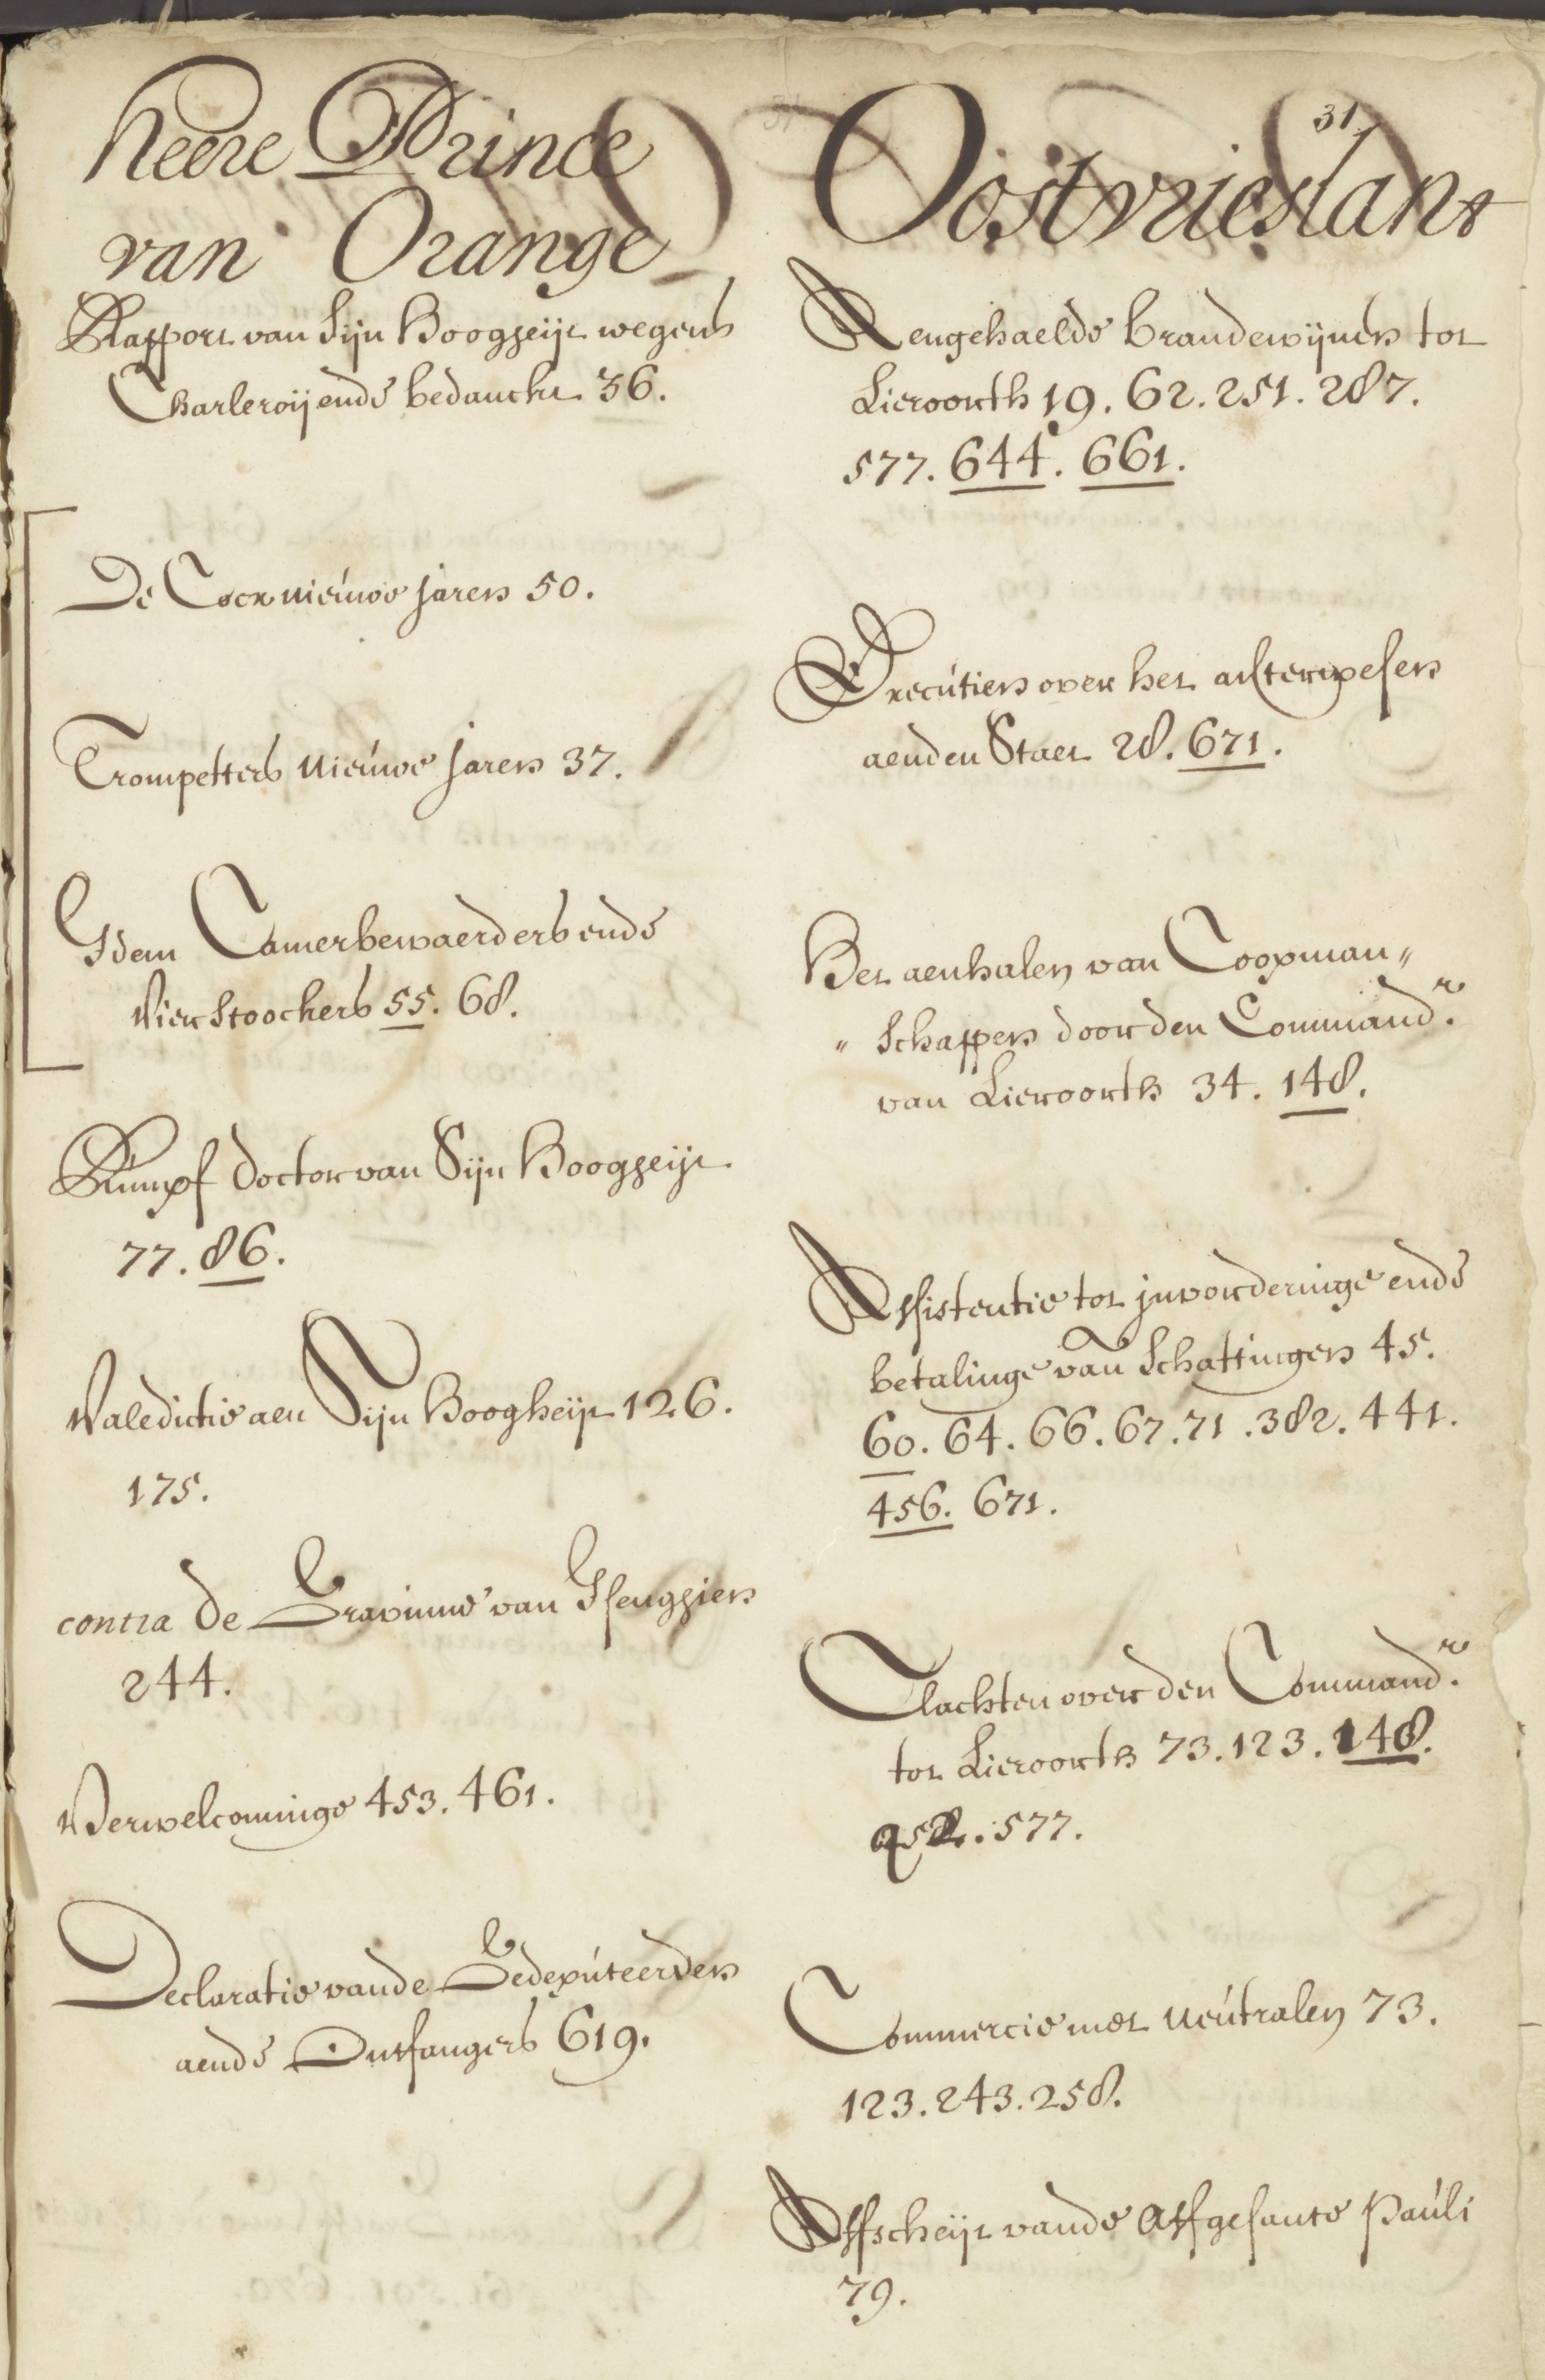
Heere Prince
van Orange
Rapport van Sijn Hoogheijt wegens
Charleroij ende bedanckt 36.
De Cocx nieuwe jaren 50.
Trompetters nieuwe jaren 37.
Idem Camerbewaerders ende
Vier Stoockers 55, 68.
Rumpf doctor van Sijn Hoogheijt
77, 86.
Valedictie aen Sijn Hoogheijt 126.
175.
contra de Gravinne van Isenghien
244.
Verwelcominge 453, 461.
Declaratie vande Gedeputeerden
aende Ontfangers 619.
Oostvrieslant
Aengehaelde brandewijnen tot
Lieroorth 19, 62, 251, 287,
577, 644, 661.
Executien over het achterwesen
aenden Staet 28, 671.
Het aenhalen van Coopman,,
,, schappen door den Commandr.
van Lieroorth 34, 148.
Assistentie tot invoirderinge ende
betalinge van Schattingen 45,
60, 64, 66, 67, 71, 382, 441
456, 671.
Clachten over den Commandr.
tot Lieroorth 73, 123, 148,
452, 577.
Commercie met neutralen 73,
123, 243, 258.
Affscheijt vande Affgesante Pauli
79.
